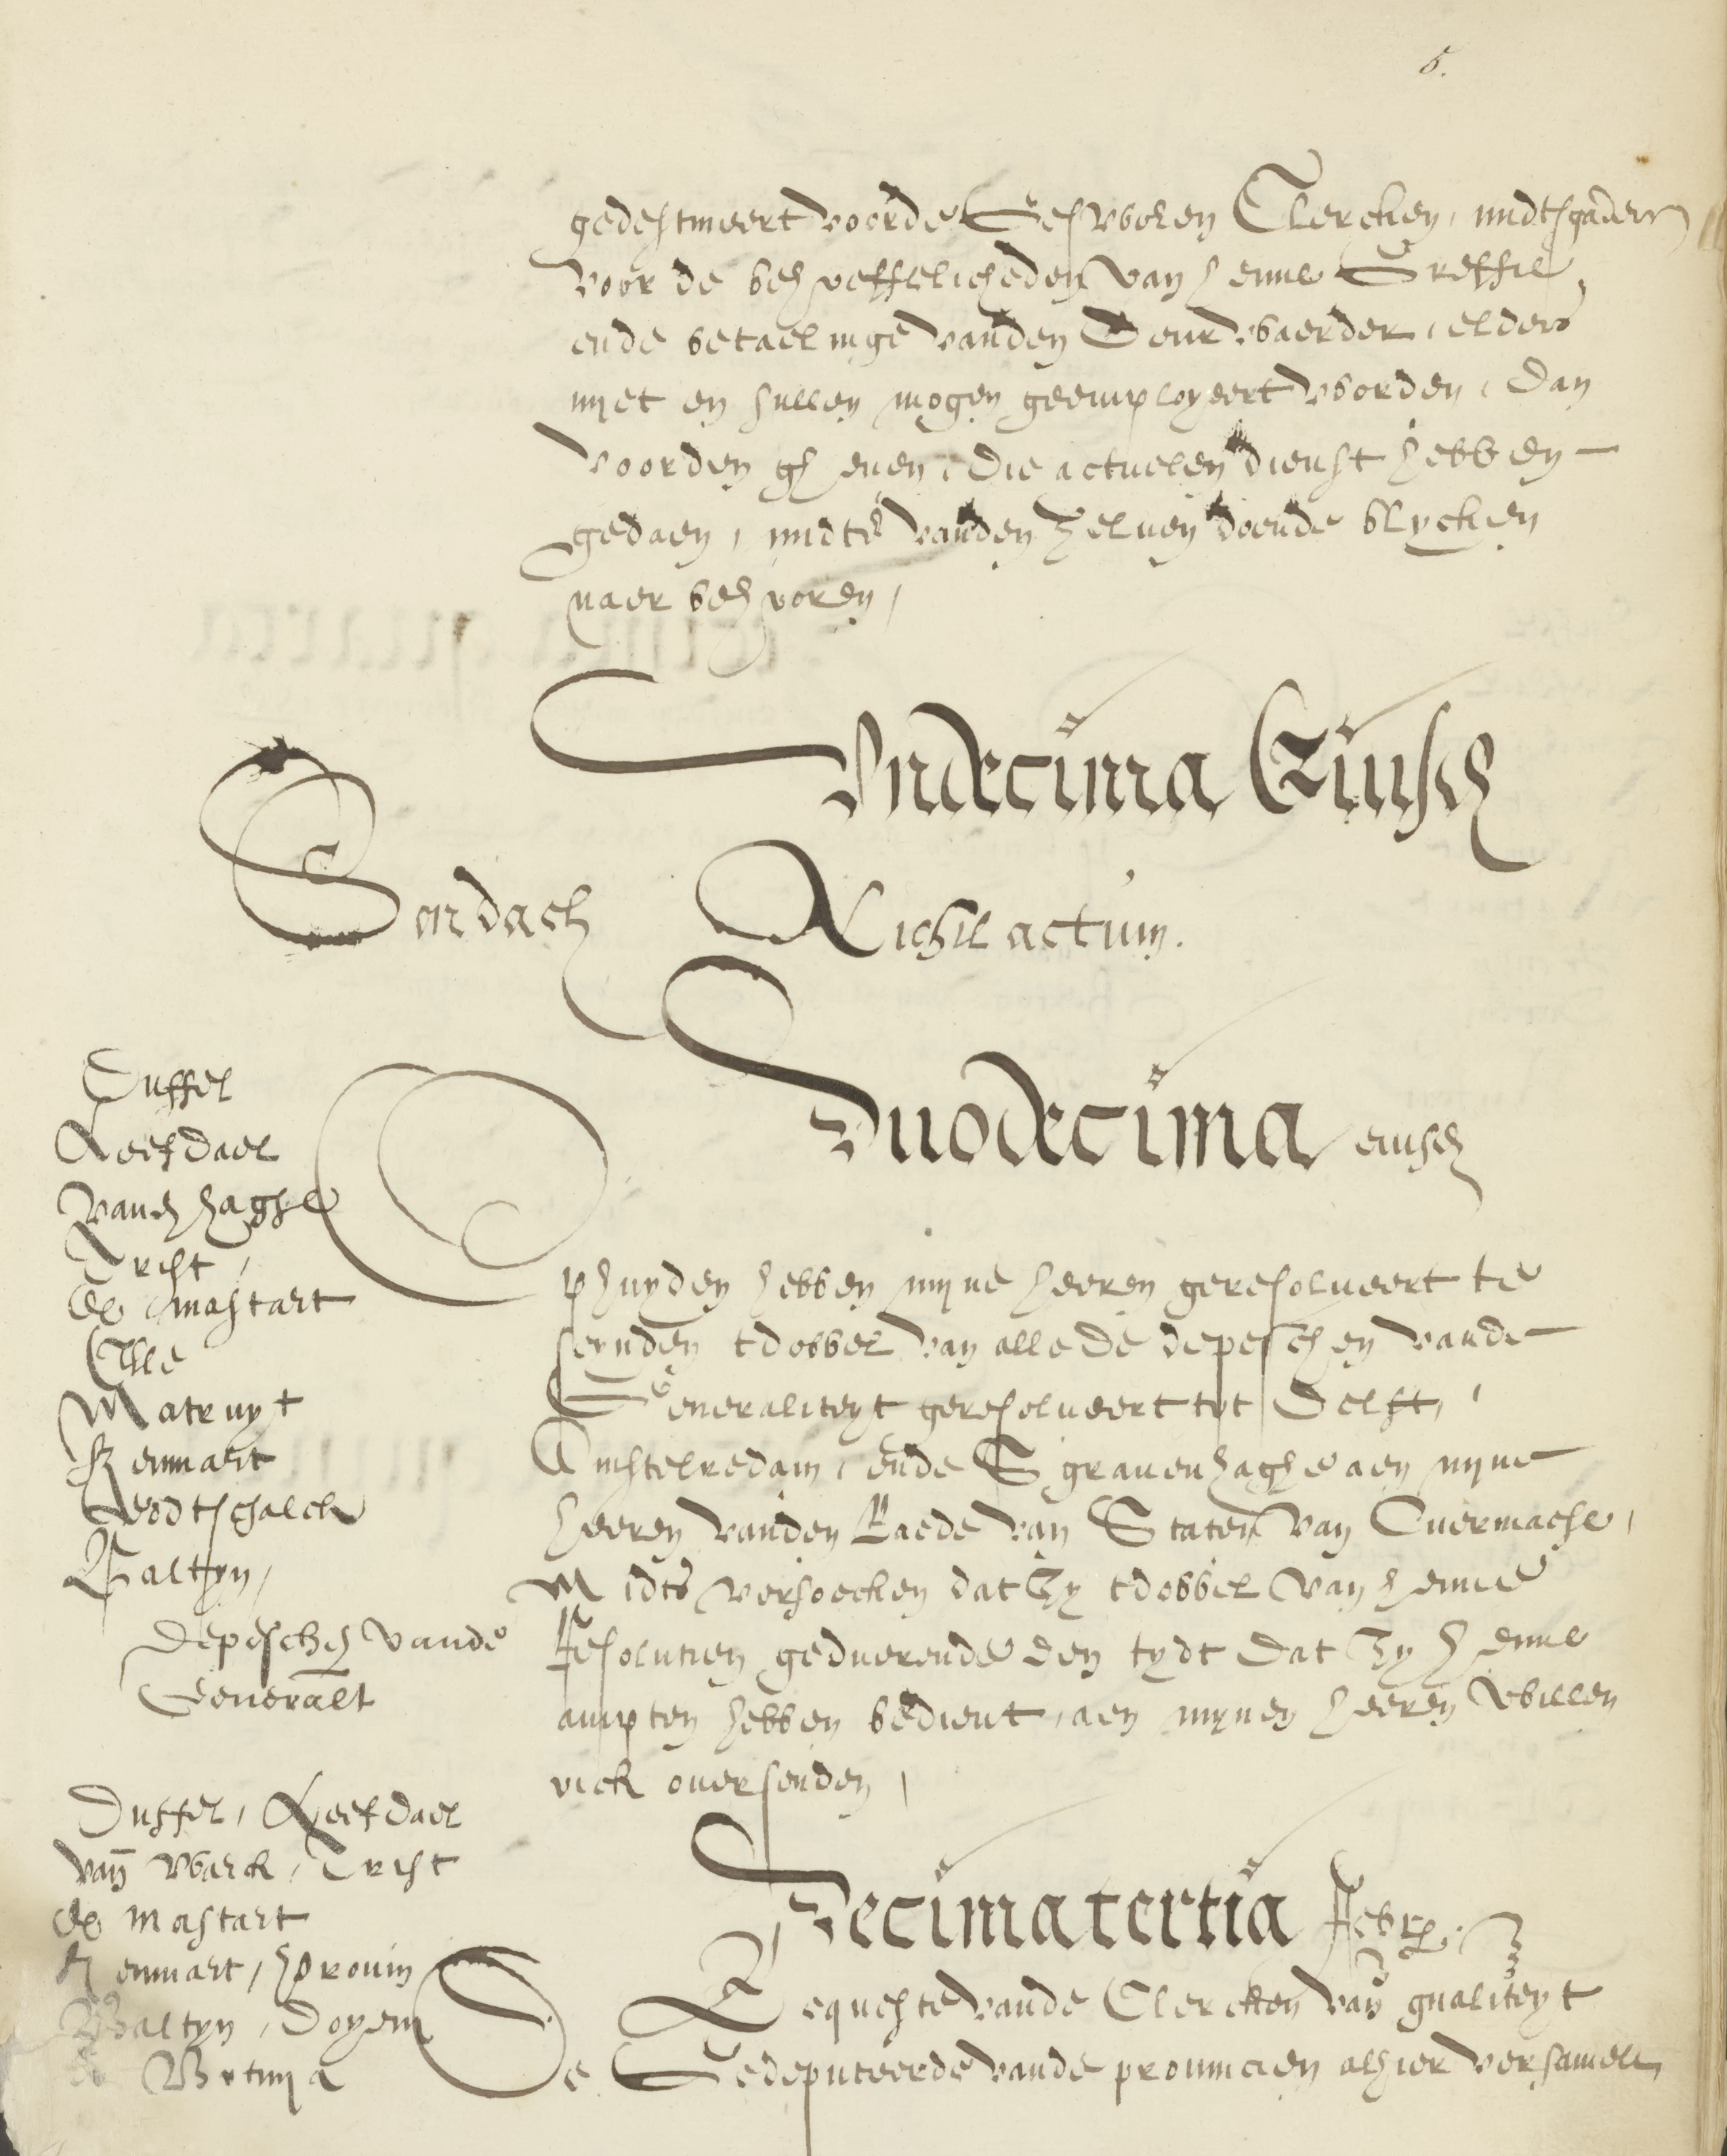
6.
gedestineert voor de Gesworen Clercken, midtsgaders
voor de behoeffelicheden van heure Greffie
ende betaelinge vanden Deurwaerder, elders
nyet en sullen mogen geemployeert worden, dan
voorden ghenen, die actuelen dienst hebben -
gedaen, midts vanden zelven doende blycken
naer behooren.
Undecima Eiusd
Sondach Nihil actum
Duodecima eiusd
Duffel
Leefdael
Vanden Haghe
Trist
de Mastaert
Elle
Matruyt
Keinnaert
Godtschalk
Baltyn
depeschen vande
Generalt
Op huyden hebben myne heeren geresolueert te
zeynden t dobbel van alle de depeschen vande
Generaliteyt geresolveert tot Delft,
Amstelredam, ende S' gravenhaghe aen myne
heeren vanden Raede van Staten van Overmaese,
midts versoecken dat zy t'dobbel van heure
resolutien geduerende den tydt dat zy heure
ampten hebben bedient, aen mynen heeren willen
oick oversenden
Decimatertia Febry:
Duffel, Leefdael
van Werck, Trist
de Mastart
Kennaert, Prouin
Baltyn, Doyem
Botnya
Requeste vande Clercken van gnaliteyt
De Gedeputeerde vande provincien alhier versamelt
